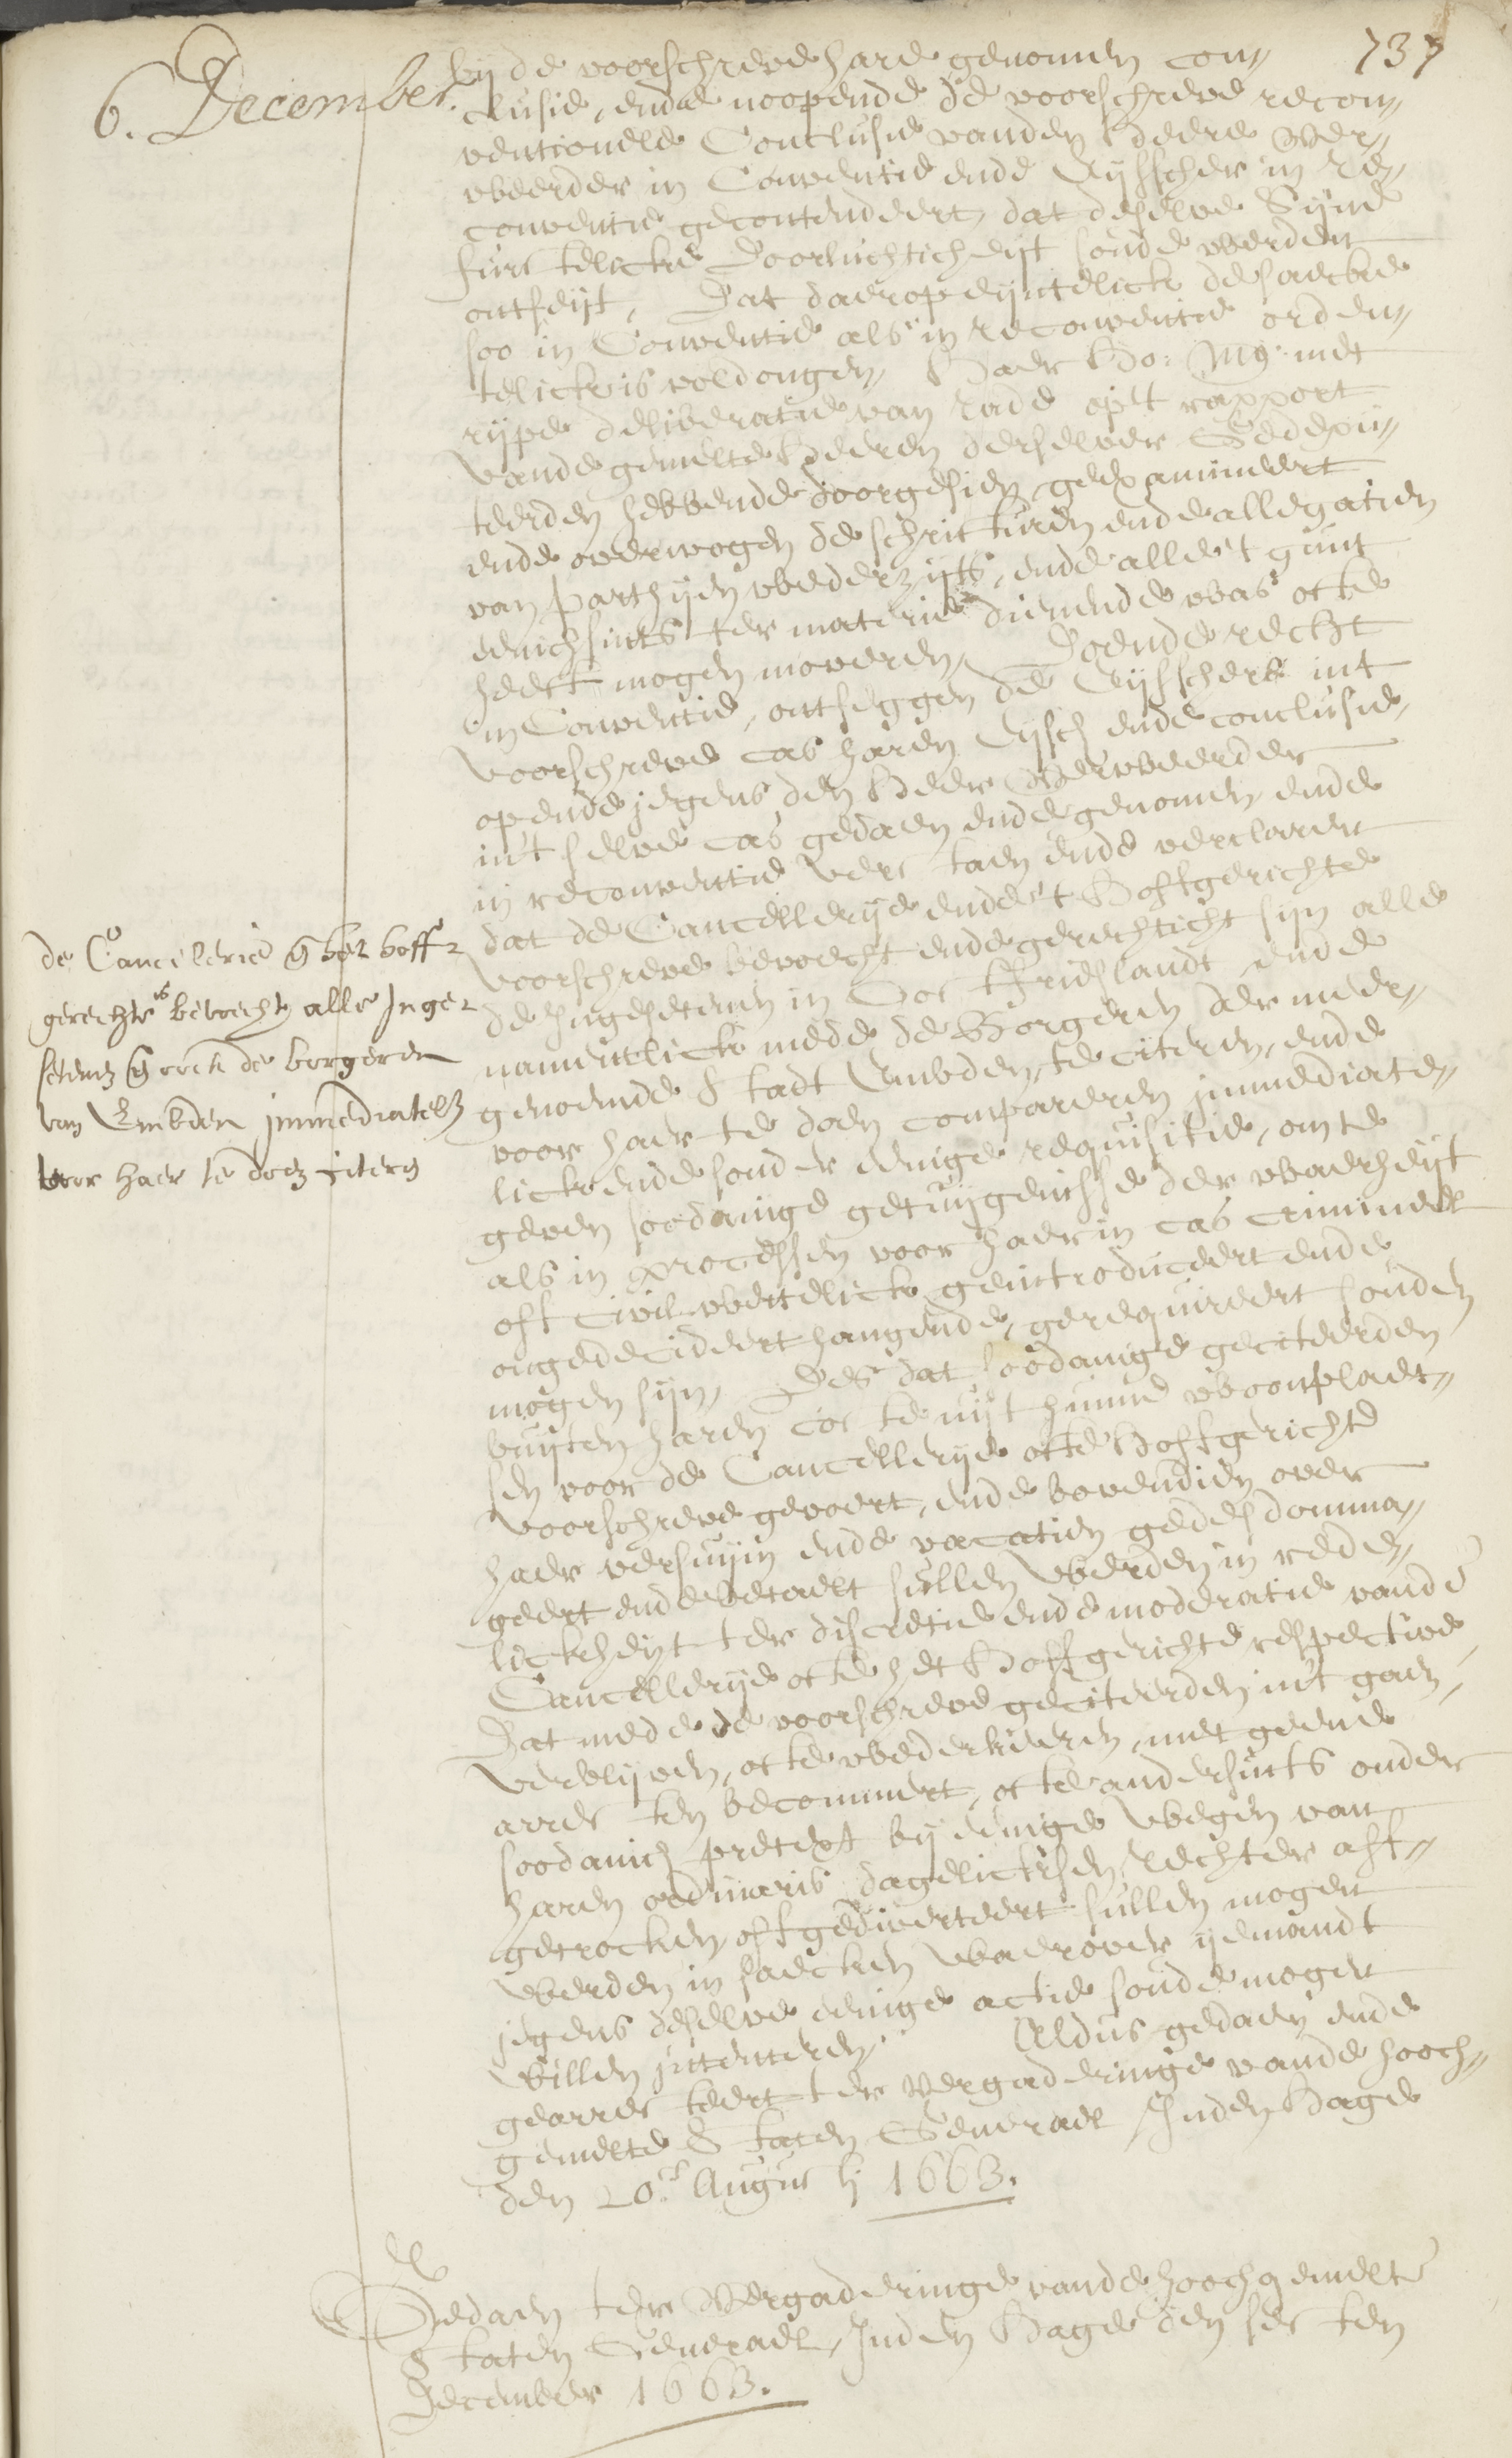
737
6. December.
de Cancelerie & het hoff
gerechte is bevoechte alle Inge
setenen & oock de borgeren
van Embden immediatel
voor haer te doen citeren
bij de voorschreve hare genomen con„
clusie, ende noopende de voorschreve recon„
ventionele Conclusie vanden Heere Ver„
weerder in Conventie ende Eijsscher in re„
conventie gecontendeert, dat deselve Sijne
Furstlicke Doorluchticheijt soude werden
ontseijt, Dat daerop eijntelick de saecke
soo in Conventie als in reconventie orden„
telick is voldongen, Haer Ho:Mo: met
rijpe deliberatie van rade op't rapport
vande gemelte Heeren derselver Gedepu„
teerden hebbende doorgesien, geexamineert
ende overwogen de schrifturen ende allegatien
van parthijen wederzijts, ende alle 't gunt
eenichsints ter materie dienende was ofte
heeft mogen moveren. Doende recht
in Conventie, ontseggen de Eijsschers int
voorschreve cas haren Eijsch ende conclusie,
op ende jegens den Heer Verweerder
in't selve cas gedaen ende genomen, ende
in reconventie verstaen ende verclaren
dat de Cancellerije ende 't Hoffgerichte
voorschreve bevoecht ende gerechticht sijn alle
de Ingesetenen in Oostfrieslandt ende
namentlick mede de Borgeren der meer„
genoemde Stadt Embden, te citeren, ende
voor haer te doen compareren immediate„
lick ende sonder eenige requisitie, om te
geven soodanige getuijgenisse der waerheijt
als in processen voor haer in cas crimineel
off civil wettelick geintroduceert ende
ongedecideert hangende, gerequireert souden
mogen sijn, Des dat soodanige geciteerden
buijten haren costen uijt hunne woonplaet„
sen voor de Cancellerije ofte Hoffgerichte
voorschreve gevoert, ende bovendien over
haer versuijm ende vacatien gedesdomma„
geert ende betaelt sullen werden in rede„
lickheijt ter discretie ende moderatie vande
Cancellerije ofte het Hoffgerichte respective.
Dat mede de voorschreve geciteerden in't gaen,
verblijven, ofte wederkeeren met geene
arresten becommert, ofte andersints onder
soodanich pretext bij eenige wegen van
haren ordinaris dagelicksen rechter aff„
getrocken off gediverteert sullen mogen
werden in saecken waerover ijemandt
jegens deselve eenige actie soude mogen
willen intenteren. Aldus gedaen ende
gearresteert ter Vergaderinge vande hooch„
gemelte Staten Generael Inden Hage
den 20te. Augusti 1663.
Gedaen ter Vergaderinge vande hooch gemelte
Staten Generael, Inden Hage den sesten
December 1663.
